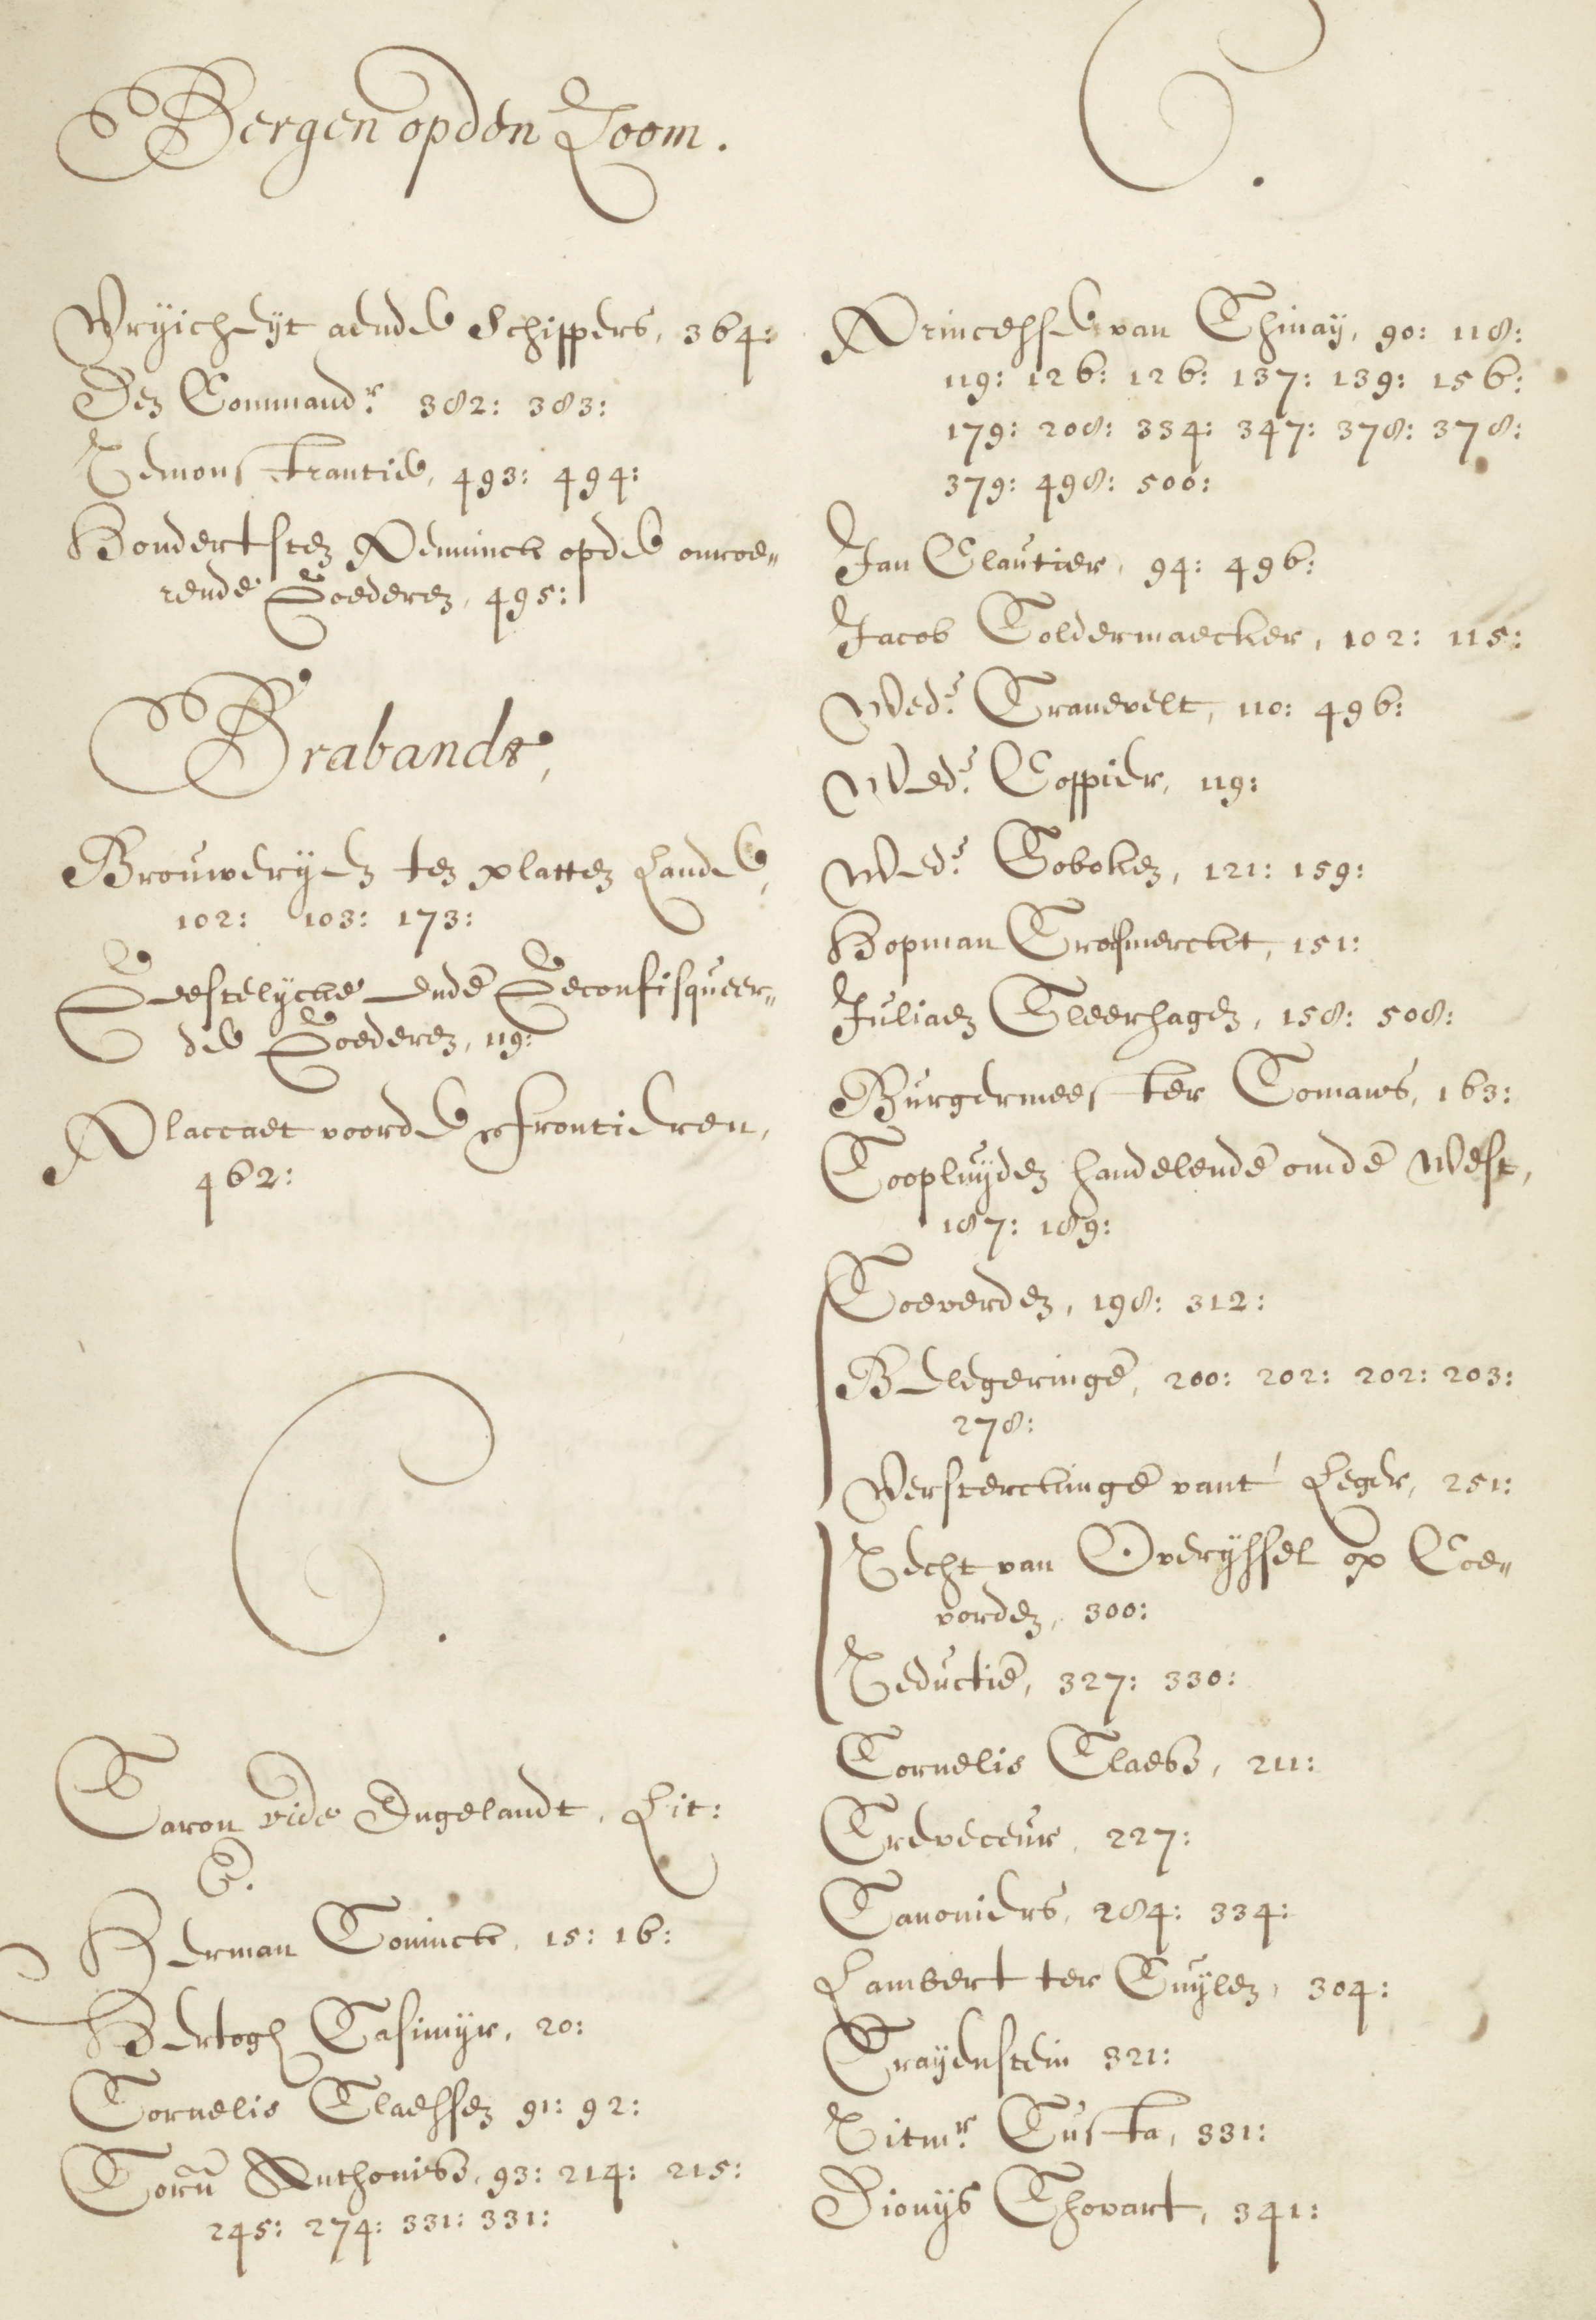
Bergen opden Zoom.
Vrijicheijt aende Schippers, 364:
Den Commandr. 382: 383:
Remonstrantie, 493: 494:
Hondertsten Penninck opde onroe„
rende Goederen, 495:
Brabandt,
Brouwerijen ten platten Lande,
102: 103: 173:
Geestelijcke ende Geconfisqueer„
de Goederen, 119:
Placcaet voorde frontieren,
462:
C.
Caron vide Engelandt, Lit:
E.
Herman Coninck, 15: 16:
Hertogh Casimijr, 20:
Cornelis Claessen 91: 92:
Corn Anthonisz, 93: 214: 215:
245: 274: 331: 331:
C.
Princesse van Chinaij, 90: 118:
119: 126: 126: 137: 139: 156:
179: 208: 334: 347: 378: 378:
379: 498: 500:
Jan Clautier, 94: 496:
Jacob Coldermaecker, 102: 115:
Wede. Cranevelt, 110: 496:
Wede. Coppier, 119:
Wede. Coboken, 121: 159:
Hopman Cratsmerckt, 151:
Juliaen Cleerhagen, 158: 508:
Burgermeester Comans 163:
Coopluijden handelende omde West,
187: 189:
Coeverden, 198: 312:
Belegeringe, 200: 202: 202: 203:
278:
Versterckinge vant‛ Leger, 251:
Recht van Overijssel op Coe„
vorden, 300:
Reductie, 327: 330:
Cornelis Claesz, 211:
Creveceur, 227:
Canoniers, 284: 334:
Lambert ter Cuijlen, 304:
Craijenstein 321:
Ritmr. Custa, 331:
Dionijs Chovart, 341:
